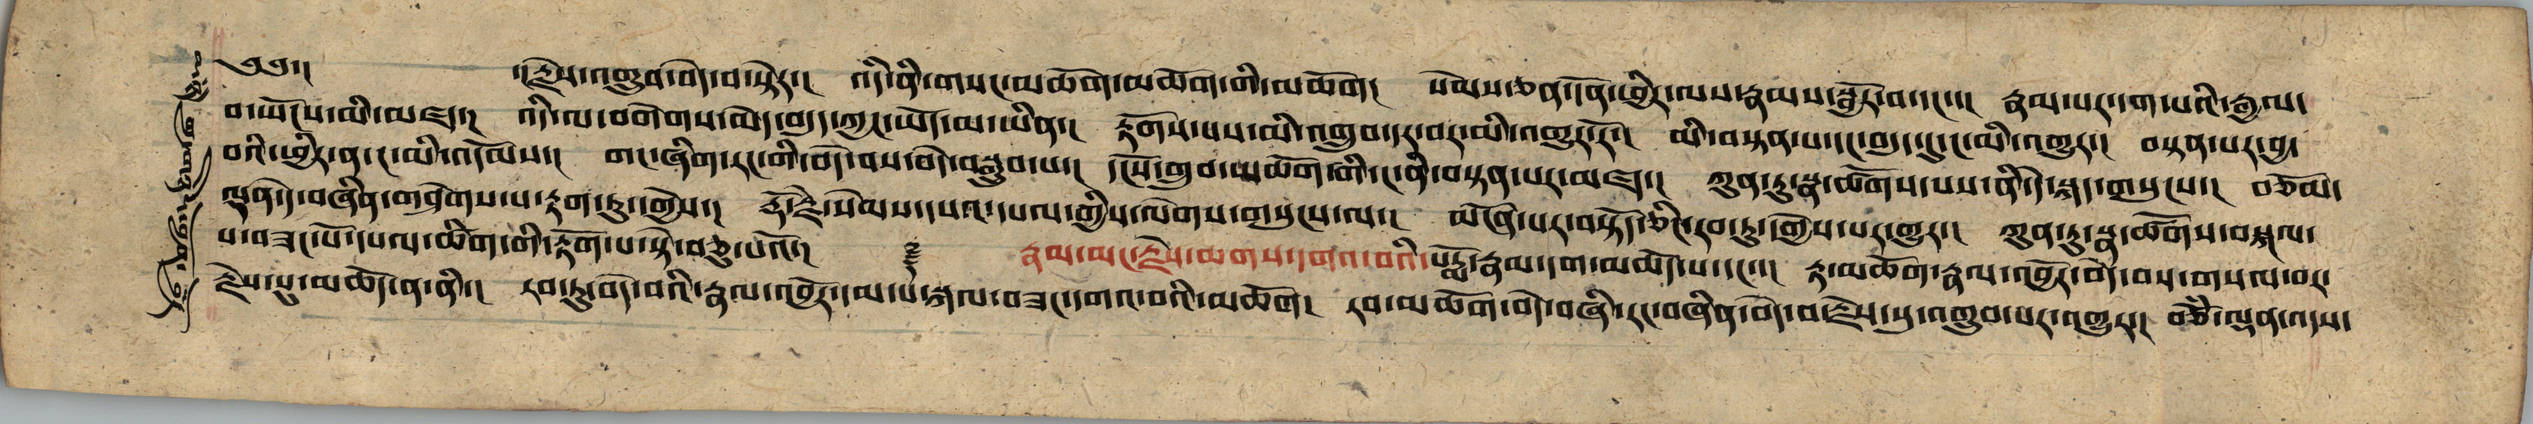༄༅་། ་།རྗེས་འགྲུབ་བདེ་བ་སྟེར་། འདི་ནི་གསང་མཆོག་མཆོག་གིས་མཆོག། སེམས་ཅན་དོན་ཕྱིར་ལས་རྣམས་སྦྱོར་བ་དང་་། རྣམ་པར་དག་པའི་རྒྱལ་
བ་ཡོངས་མི་མཛད་། འདི་ལ་བགེགས་མེད་བདུད་ཀྱང་ཡོད་མ་ཡིན་། རྟོགས་པས་མི་འགྲུབ་དར་བར་མི་འགྱུར་རོ་། མི་བསྟན་པ་དང་བདུད་དུ་ང་མི་འགྱུར་། བསྟན་པར་བྱ་
བའི་ཕྱིར་ན་ང་མི་འདོམས་། གང་ཞིག་རང་གི་བདེ་བས་བདེ་བསྒྲུབ་པ་། དངོས་གྲུབ་མཆོག་གི་ང་ནི་བསྟན་པར་མཛད་། ཀུན་ཏུ་སྣ་ཚོགས་པས་ནི་དེ་སྐད་གསུངས་། བཅོམ་
ལྡན་དེ་བཞིན་གཤེགས་པ་རྟག་ཏུ་དགྱེས་། རྡོ་རྗེ་སེམས་དཔའ་དཔལ་གྱིས་ལེགས་གསུངས་ལ་། མངོན་པར་བསྟོད་ཅིང་རབ་ཏུ་དགྱེས་པར་གྱུར་། ཀུན་ཏུ་སྣ་ཚོགས་བསྐལ་
པ་བཟང་པོ་དཔལ་ཚིག་གི་རྟོག་པ་སྟེ་བཅུ་པའོ་། ࿑ རྣམ་མང་རྗེས་ཆགས་དགའ་བའི་པདྨོ་རྣམ་དག་མཆོད་པ་དང་་། རྟ་མཆོག་རྣལ་འབྱོར་བདེ་བས་གསལ་བར་
རྗེས་སུ་མཆོད་ན་ནི་། རབ་ཏུ་བདེ་བའི་རྣལ་འབྱོར་དམ་པ་སྐལ་བཟང་དགའ་བའི་མཆོག། རབ་མཆོག་བདེ་བཞི་རང་བཞིན་བདེ་བ་རྗེས་སུ་འགྲུབ་པར་འགྱུར་། བཅོཾ་ལྡན་འདས་